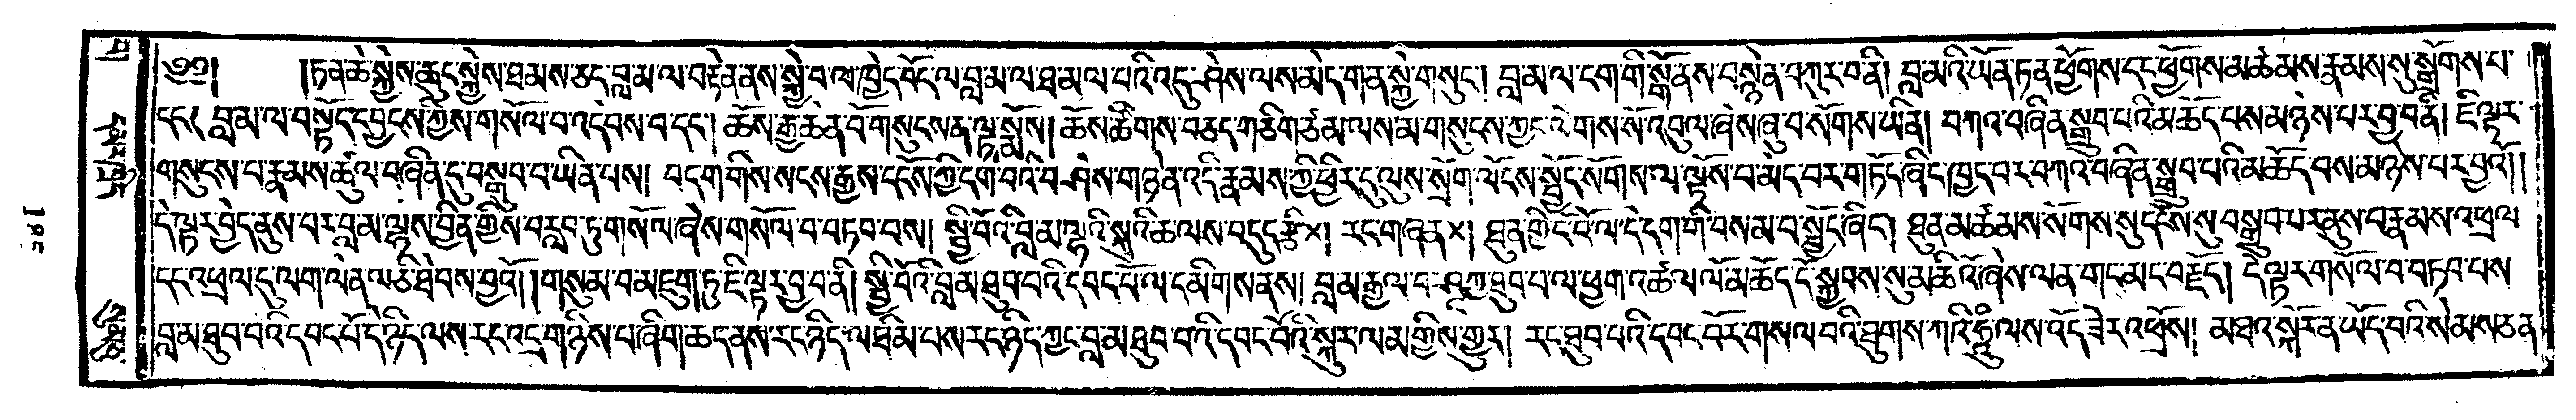༄༅། །ཏན་ཆེ་སྐྱེས་ཆུང་སྐྱེས་ཐམས་ཅད་བླ་མ་ལ་བརྟེན་ནས་སྐྱེ་བ་ལ་ཁྱེད་བོད་ལ་བླ་མ་ལ་ཐ་མལ་བའི་འདུ་ཤེས་ལས་མེད་གན་སྐྱེ་གསུང་། བླ་མ་ལ་ངག་གི་སྒོ་ནས་བསྙེན་བཀུར་བ་ནི། བླ་མའི་ཡོན་ཏན་ཕྱོགས་དང་ཕྱོགས་མཚམས་རྣམས་སུ་སྒྲོགས་པ་
དང༑ བླ་མ་ལ་བསྟོད་དབྱངས་ཀྱིས་གསོལ་བ་འདེབས་པ་དང་། ཆོས་རྒྱ་ཆེན་བོ་གསུངས་ན་ལྟ་སྨོས། ཆོས་ཚིགས་བཅད་གཅིག་ཙམ་ལས་མ་གསུངས་ཀྱང་ལེགས་སོ་འབུལ་ཞེས་ཞུ་བ་སོགས་ཡིན། བཀའ་བཞིན་སྒྲུབ་པའི་མཆོད་པས་མཉེས་པར་བྱ་བ་ནི། ཇི་ལྟར་
གསུངས་པ་རྣམས་ཚུལ་བཞིན་དུ་བསྒྲུབ་པ་ཡིན་པས། བདག་གིས་སངས་རྒྱས་དངོས་ཀྱི་དག་བའི་བཤེས་གཉེན་འདི་རྣམས་ཀྱི་ཕྱིར་དུ་ལུས་སྲོག་ལོངས་སྤྱོད་སོགས་ལ་ལྟོས་བ་མེད་བར་གཏོད་ཞིང་ཁྱད་བར་བཀའ་བཞིན་སྒྲུབ་པའི་མཆོད་བས་མཉེས་པར་བྱའོ། །
དེ་ལྟར་བྱེད་ནུས་པར་བླ་མ་ལྷས་བྱིན་གྱིས་བརླབ་ཏུ་གསོལ་ཞེས་གསོལ་བ་བཏབ་པས། སྤྱི་བོའི་བླ་མ་ལྷའི་སྐུའི་ཆ་ལས་བདུད་རྩི་྾། རང་གཞན་྾། ཐུན་གྱི་ངོ་བོ་ལ་དེ་དག་གི་བསམ་བ་སྦྱོང་ཞིང་། ཐུན་མཚམས་སོགས་སུ་དངོས་སུ་བསྒྲུབ་པར་ནུས་པ་རྣམས་འཕྲལ་
དང་འཕྲལ་དུ་ལག་ལེན་ལ་ཅི་ཐེབས་བྱའོ། །གསུམ་བ་མཇུག་ཏུ་ཇི་ལྟར་བྱ་བ་ནི། སྤྱི་བོའི་བླ་མ་ཐུབ་བའི་དབང་པོ་ལ་དམིགས་ནས། བླ་མ་རྒྱལ་བ་ཤཱཀྱ་ཐུབ་པ་ལ་ཕྱག་འཚལ་ལོ་མཆོད་དེ་སྐྱབས་སུ་མཆིའོ་ཞེས་ལན་གང་མང་བརྗོད། དེ་ལྟར་གསོལ་བ་བཏབ་པས་
བླ་མ་ཐུབ་བའི་དབང་པོ་དེ་ཉིད་ལས་རང་འདྲ་གཉིས་པ་ཞིག་ཆད་ནས་རང་ཉིད་ལ་ཐིམ་པས་རང་ཉིད་ཀྱང་བླ་མ་ཐུབ་བའི་དབང་པོའི་སྐུར་ལམ་གྱིས་གྱུར། རང་ཐུབ་པའི་དབང་བོར་གསལ་བའི་ཐུགས་ཀའི་ཧཱུཾ་ལས་འོད་ཟེར་འཕྲོས། མཐའ་སྐོར་ན་ཡོད་བའི་སེམས་ཅན་